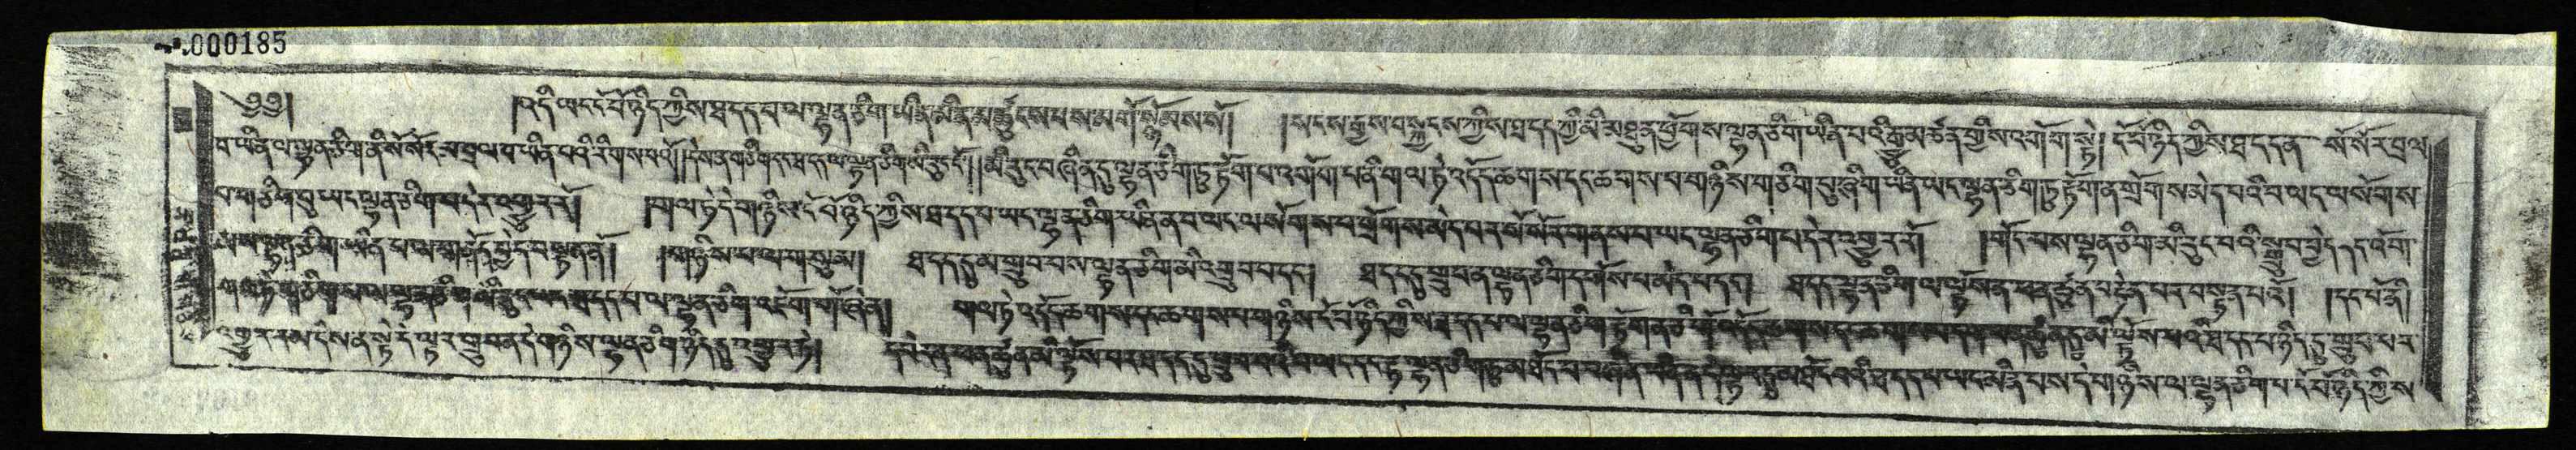༄༅། །འདི་ཡང་ངོ་བོ་ཉིད་ཀྱིས་ཐ་དད་པ་ལ་ལྷན་ཅིག་ཡིན་མིན་མཚུངས་པས་མགོ་སྙོམས་སོ། །སངས་རྒྱས་བསྐྱངས་ཀྱིས་ཐ་དད་ཀྱི་མི་མཐུན་ཕྱོགས་ལྷན་ཅིག་ཡིན་པའི་རྒྱུ་མཚན་གྱིས་འགོག་སྟེ། ངོ་བོ་ཉིད་ཀྱིས་ཐ་དད་ན་སོ་སོར་བྲལ་
བ་ཡིན་ལ་ལྷན་ཅིག་ནི་སོ་སོར་མ་བྲལ་བ་ཡིན་པའི་རིགས་པའོ། །དེས་ན་གཅིག་དང་ཐ་དད་ལ་ལྷན་ཅིག་མི་རུང་ངོ། །མི་རུང་བཞིན་དུ་ལྷན་ཅིག་ཏུ་རྟོག་པ་འགོག་པ་ནི་གལ་ཏེ་འདོད་ཆགས་དང་ཆགས་པ་གཉིས་གཅིག་པུ་ཞིག་ཡིན་ཡང་ལྷན་ཅིག་ཏུ་རྟོག་ན་གྲོགས་མེད་པའི་བ་ལང་ལ་སོགས་
པ་གཅིག་པུ་ཡང་ལྷན་ཅིག་བདེར་འགྱུར་རོ། །གལ་ཏེ་དེ་གཉིས་ངོ་བོ་ཉིད་ཀྱིས་ཐ་དད་པ་ཡང་ལྷན་ཅིག་ཡིན་ན་བ་ལང་ལ་སོགས་པ་གྲོགས་མེད་པར་སོ་སོར་གནས་པ་ཡང་ལྷན་ཅིག་པ་དེར་འགྱུར་རོ། །གོང་མས་ལྷན་ཅིག་མི་རུང་བའི་སྒྲུབ་བྱེད་དང་འོག་
མས་ལྷན་ཅིག་ཡིན་པ་ལ་གནོད་བྱེད་བསྟན་ནོ། །གཉིས་པ་ལ་གསུམ། ཐ་དད་དུ་མ་གྲུབ་པས་ལྷན་ཅིག་མི་འགྲུབ་པ་དང་། ཐ་དད་དུ་གྲུབ་ན་ལྷན་ཅིག་དགོས་པ་མེད་པ་དང་། ཐ་དད་ལྷན་ཅིག་ལ་ལྟོས་ན་ཕན་ཚུན་བརྟེན་པར་བསྟན་པའོ། །དང་པོ་ནི།
གལ་ཏེ་གཅིག་པ་ལ་ལྷན་ཅིག་མི་རུང་ཡང་ཐ་དད་པ་ལ་ལྷན་ཅིག་འཇོག་གོ་ཞེ་ན། གལ་ཏེ་འདོད་ཆགས་དང་ཆགས་པ་གཉིས་ངོ་བོ་ཉིད་ཀྱིས་ཐ་དད་པ་ལ་ལྷན་ཅིག་རྟོག་ན་ཅི་གོ་འདོད་ཆགས་དང་ཆགས་པ་དག་ཕན་ཚུན་དུ་མི་ལྟོས་པའི་ཐ་དད་པ་ཉིད་དུ་གྲུབ་པར་
འགྱུར་ནས་དེས་ན་སྟེ་དེ་ལྟར་གྲུབ་ན་དེ་གཉིས་ལྷན་ཅིག་ཉིད་དུ་འགྱུར་ཏེ། དཔེར་ན་ཕན་ཚུན་མི་ལྟོས་བར་ཐ་དད་དུ་གྲུབ་པའི་བ་ལང་དང་རྟ་ལྷན་ཅིག་ཏུ་མཐོང་བ་བཞིན་ཡིན་ན་དེ་ལྟར་དུ་མཐོང་བའི་ཐ་དད་པ་ཡང་མིན་པས་དེ་གཉིས་ལ་ལྷན་ཅིག་པ་ངོ་བོ་ཉིད་ཀྱིས་